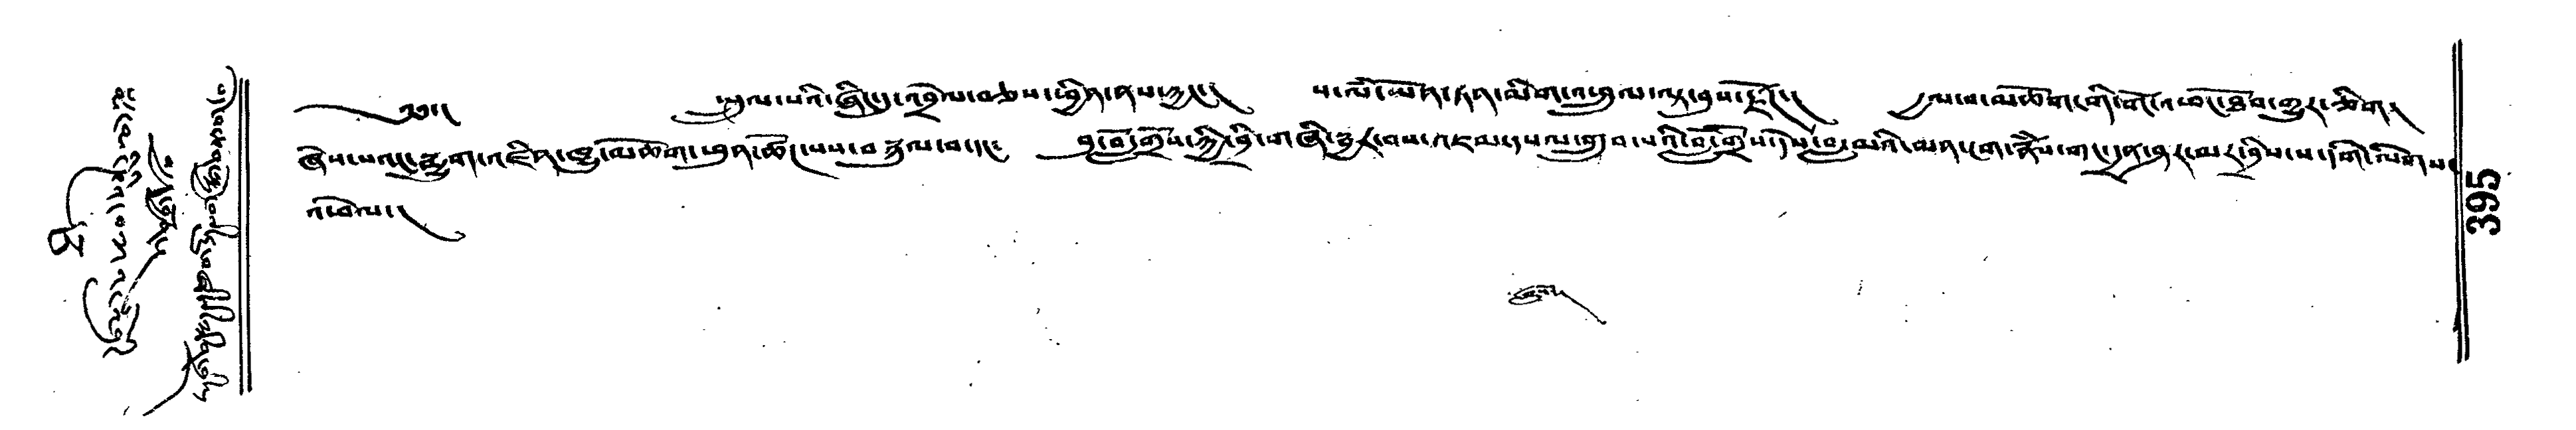།སྤྲུལ་པའི་ཞིང་དུ་འབྲེལ་བཅས་ཕྱིན་ནས་ཀྱང་། །ས་ལམ་ཡོན་ཏན་མིག་འཕྲུལ་ལྟ་བུས་རྫོགས་། །རྒྱལ་བ་མཆོག་གི་གོ་འཕང་ཐོབ་གྱུར་ཅིག 
ཅེས་པའང་སྨྱུག་འཛིན་ཁྱུ་མཆོག་ཕུན་ཚོགས་པས་བསྐུལ་བ་དང་། བུ་བློ་གྲོས་ཀྱིས་བྲི་གཞི་སྦྱར་བས་འཇམ་དཔལ་གྲུབ་པའི་བློ་གྲོས་དེས་བླ་མའི་མན་ངག་རྣམས་གང་དྲན་ཤར་མར་བྲིས་པ་དགེ་ལེགས་
འཕེལ།།མངྒ་ལཾ།།